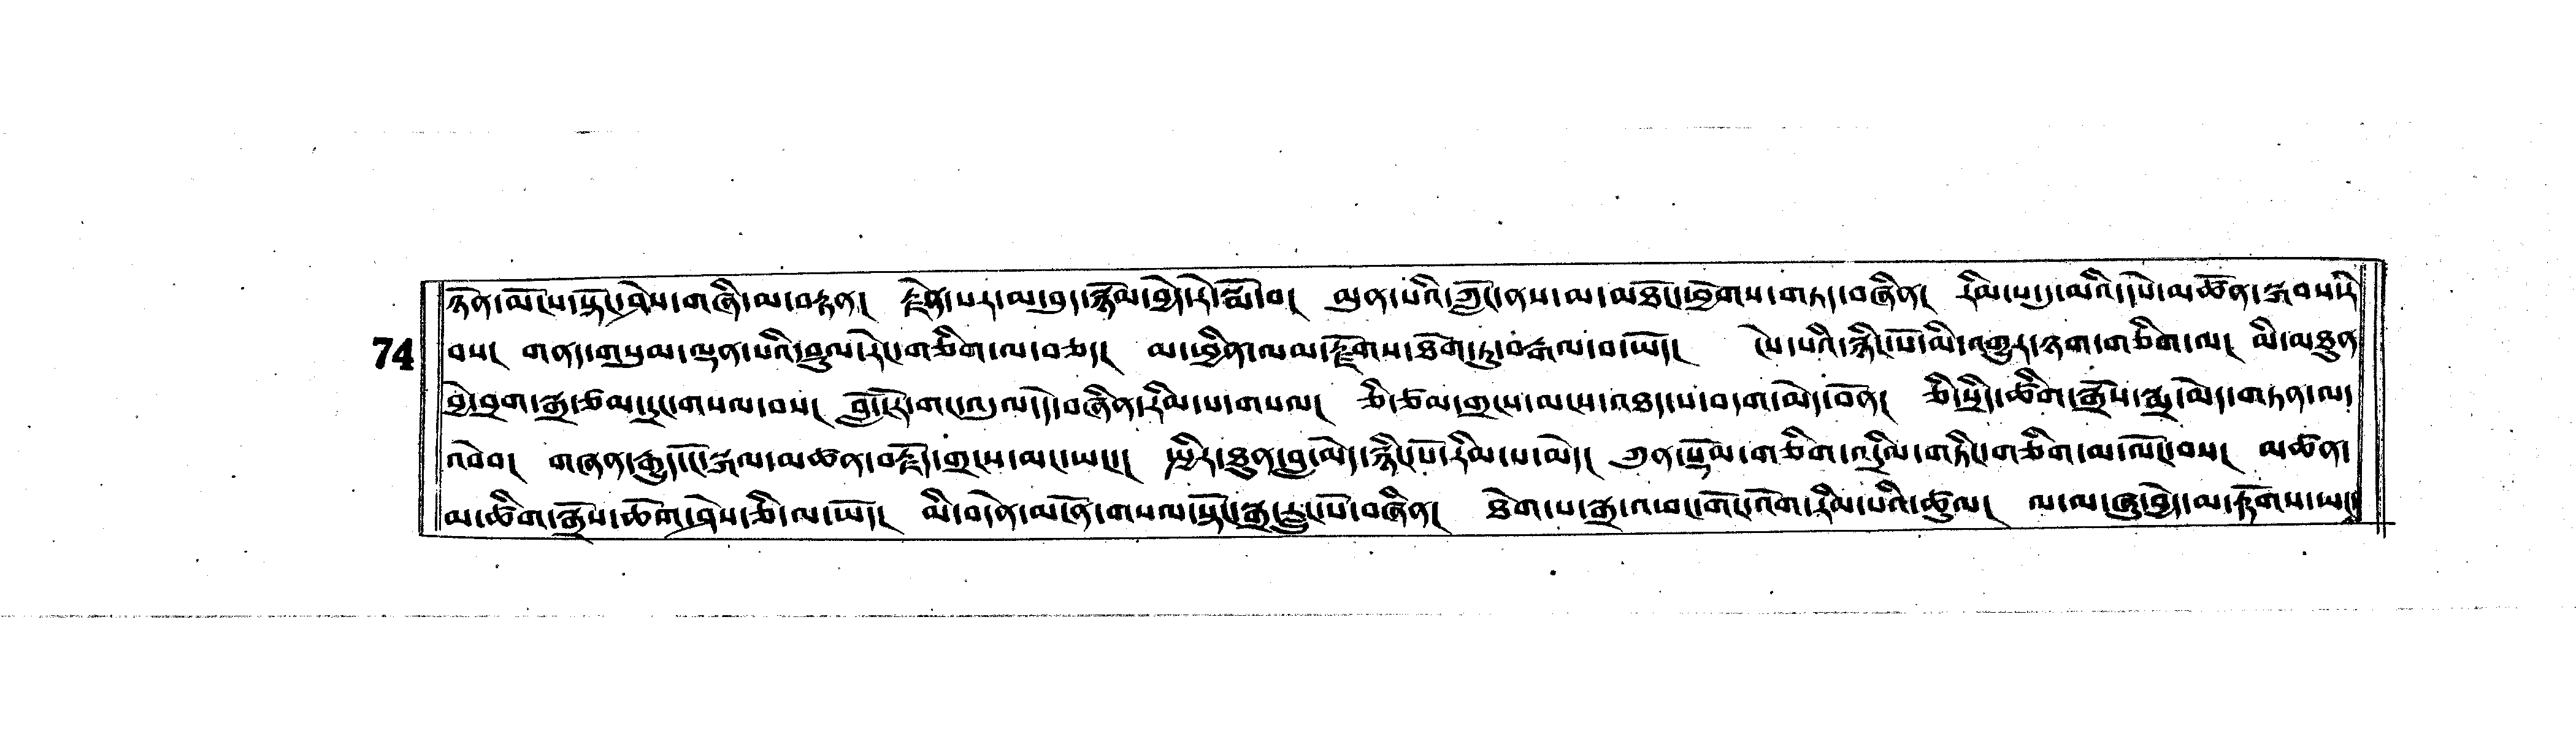ཉོན་མོངས་སྟོང་ཤེས་གཞི་མ་བརྟན། རྗེན་པར་མ་བུད་སྙེམ་བྱེད་རེ་རྣོ་བ། མུན་པའི་ཀློང་ནས་མ་མཐོང་ཕྱོགས་གཏད་བཞིན། རིམ་པ་དུ་མའི་དཔེ་མཚོན་སྐབས་རེ་
བས། གནད་གསུམ་ལྡན་པའི་ཤུལ་རིང་གཅིག་ལ་བཅད། མ་ཕྱིན་ལམ་རྫོགས་ཐོག་ཏུ་བརྒལ་བ་ཡོད། ངེས་པའི་སྙིང་པོ་མི་འགྱུར་ཉག་གཅིག་ལ། མི་མཐུན་
བྱེ་བྲག་སྒྲ་ཙམ་གྲངས་གསལ་བས། བློ་ངོར་གང་འདུལ་དེ་བཞིན་རིམ་པ་གསལ། ཅི་ཙམ་གྲངས་མང་འཐད་པ་བདག་མེད་བོན། ཅི་སྲིད་ཚིག་སྒྲོས་སྨྲ་མེད་གཏན་ལ་
འབེབས། གཞན་རྒྱུད་ངོ་སྐལ་མཚན་བརྗོད་གྲངས་མང་ཡང་། སྤྱིར་ཐུན་བླ་མེད་སྙིང་པོ་རིམ་པ་མེད། ཀུན་སྡོམ་གཅིག་འདྲིལ་གཏིང་གཅིག་མ་ལོང་བས། མཚན་
མ་ཚིག་སྒྲོས་ཆོག་ཤེས་ཅི་ལ་ཡོིད། མི་བདེན་མངོན་གསལ་སྟོང་སྒྲ་རླུང་པོ་བཞིན། ཐེག་པ་སྒྲ་འཕང་གོང་འོག་རིམ་པའི་ཚུལ། ལ་ལ་ཞུ་བྱེད་མ་རྟོགས་ཡང་